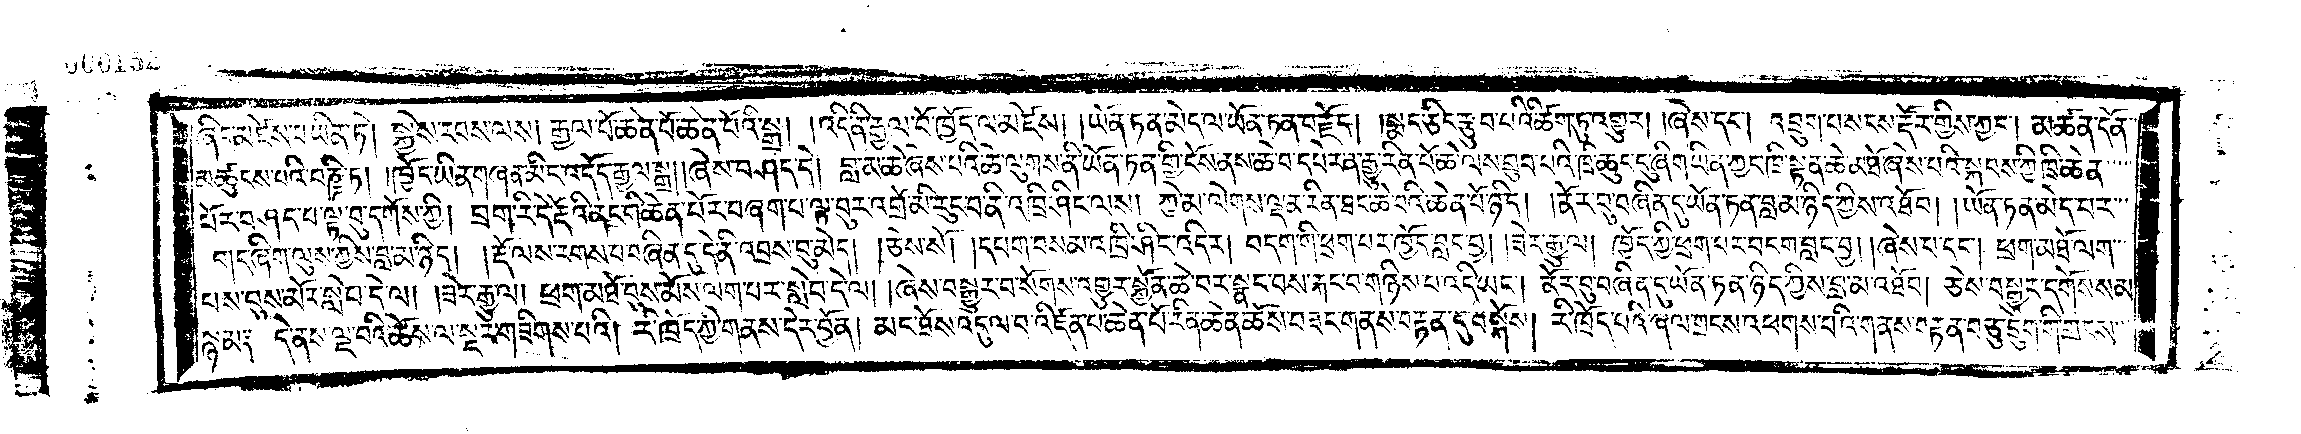ཞིང་མཛེས་པ་ཡིན་ཏེ། སྐྱེས་རབས་ལས། རྒྱལ་པོ་ཆེན་པོ་ཆེན་པོའི་སྒྲ། །འདི་ནི་རྒྱལ་པོ་ཁྱོད་ལ་མཛེས། །ཡོན་ཏན་མེད་ལ་ཡོན་ཏན་བརྗོད། །སྨད་ཅིང་རྩུབ་པའི་ཚིག་ཏུ་འགྱུར། །ཞེས་དང་། འབྲུག་པ་སངས་རྡོར་གྱིས་ཀྱང་། མཚན་དོན་
མཚུངས་པའི་པཎྜི་ཏ། །ཁྱོད་ཡིན་གཞན་མིང་འདོད་རྒྱལ་སྒྲ། །ཞེས་བཤད་དེ། བླ་མ་ཆེ་ཞེས་པའི་ཆེ་ལུགས་ནི་ཡོན་ཏན་གྱི་ངོས་ནས་ཆེ་བ་དཔེར་ན་རྒྱུ་རིན་པོ་ཆེ་ལས་གྲུབ་པའི་ཁྲི་ཆུང་ངུ་ཞིག་ཡིན་ཀྱང་ཁྲི་སྟན་ཆེ་མཐོ་ཞེས་པའི་སྐབས་ཀྱི་ཁྲི་ཆེན་
པོར་བཤད་པ་ལྟ་བུ་དགོས་ཀྱི། བྲག་རི་དེ་རྡོའི་ནང་གི་ཆེན་པོར་བཞག་པ་ལྟ་བུར་འགྲོ་མི་རུང་བ་ནི་འཁྲི་ཤིང་ལས། ཀྱེ་མ་ལེགས་ལྡན་རིན་ཐང་ཆེ་བའི་ཆེན་པོ་ཉིད། །ནོར་བུ་བཞིན་དུ་ཡོན་ཏན་བླ་མ་ཉིད་ཀྱིས་འཐོབ། །ཡོན་ཏན་མེད་པར་
གང་ཞིག་ལུས་ཀྱིས་བླ་མ་ཉིད། །རྡོ་ལས་རགས་པ་བཞིན་དུ་དེ་ནི་འབྲས་བུ་མེད། །ཅེས་སོ། །དཔག་བསམ་འཁྲི་ཤིང་འདིར། བདག་གི་ཕྲག་པར་ཁྱོད་བླང་བྱ། །ཟེར་རྒྱུ་ལ། ཁྱོད་ཀྱི་ཕྲག་པར་བདག་བླང་བྱ། །ཞེས་པ་དང་། ཕྲག་མཐོ་ལག་
པས་བུས་མོར་སླེབ་དེ་ལ། །ཟེར་རྒྱུ་ལ། ཕྲག་མཐོ་བུས་མོས་ལག་པར་སླེབ་དེ་ལ། །ཞེས་བསྒྱུར་བ་སོགས་འགྱུར་སྐྱོན་ཆེ་བར་སྣང་བས་རྐང་པ་གཉིས་པ་འདི་ཡང་། ནོར་བུ་བཞིན་དུ་ཡོན་ཏན་ཉིད་ཀྱིས་བླ་མ་འཐོབ། ཅེས་བསྒྱུར་དགོས་སམ་
སྙམ༑ དེ་ནས་ལྔ་པའི་ཆོས་ལ་སྔར་གཟིགས་པའི། རི་ཁྲོད་ཀྱི་གནས་དེར་བྱོན། མང་ཐོས་འདུལ་བ་འཛིན་པ་ཆེན་པོ་རིན་ཆེན་ཆོས་བཟང་གནས་བརྟན་དུ་བསྐོས། རི་ཁྲོད་པའི་ཞལ་གྲངས་འཕགས་པའི་གནས་བརྟན་བཅུ་དྲུག་གི་གྲངས་